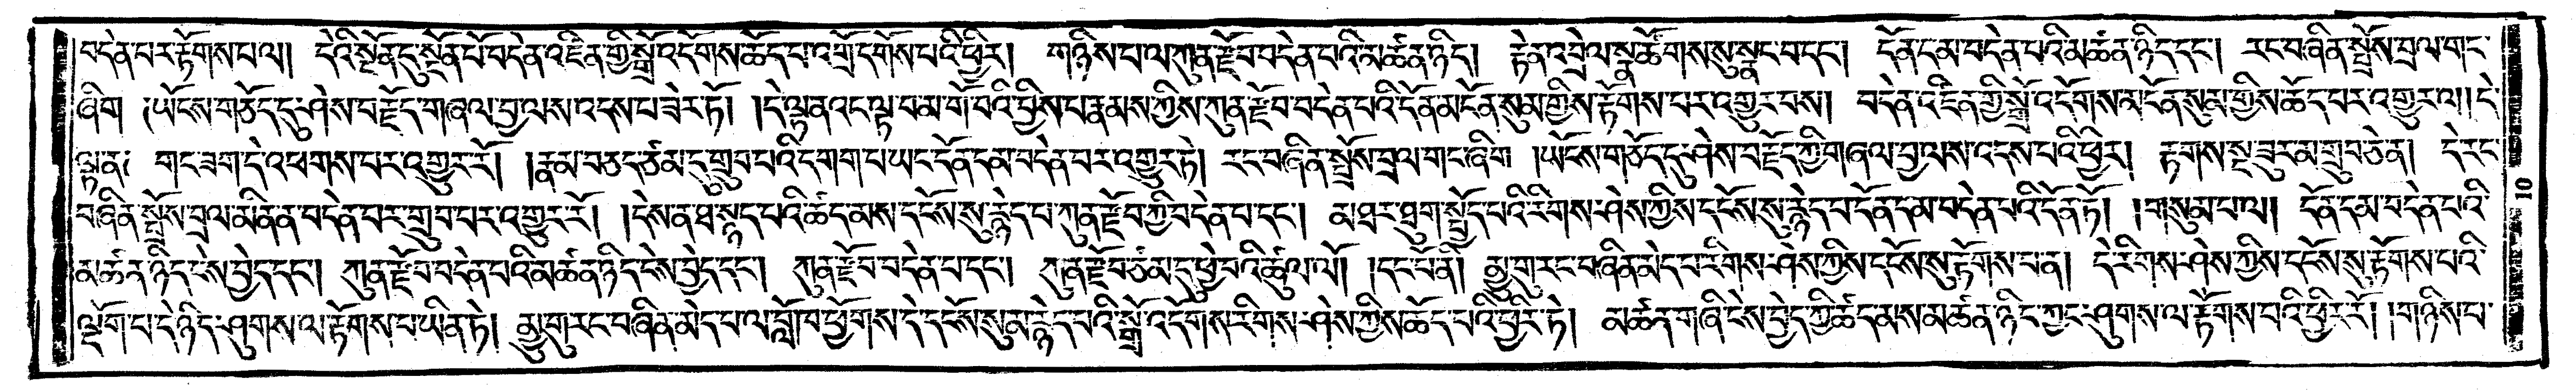བདེན་པར་རྟོགས་པ་ལ། དེའི་སྔོན་དུ་སྔོན་པོ་བདེན་འཛིན་གྱི་སྒྲོ་འདོགས་ཆོད་པ་འགྲོ་དགོས་པའི་ཕྱིར། གཉིས་པ་ལ་ཀུན་རྫོབ་བདེན་པའི་མཚན་ཉིད། རྟེན་འབྲེལ་སྣ་ཚོགས་སུ་སྣང་བ་དང་། དོན་དམ་བདེན་པའི་མཚན་ཉིད་དང་། རང་བཞིན་སྤྲོས་བྲལ་གང་
ཞིག །ཡོངས་གཅོད་དུ་ཤེས་བརྗོད་གཞལ་བྱ་ལས་འདས་པ་ཟེར་ཏོ། །དེ་ལྟ་ནའང་ལྟ་བ་མ་གོ་བའི་བྱིས་པ་རྣམས་ཀྱིས་ཀུན་རྫོབ་བདེན་པའི་དོན་མངོན་སུམ་གྱིས་རྟོགས་པར་འགྱུར་བས། བདེན་འཛིན་གྱི་སྒྲོ་འདོགས་མངོན་སུམ་གྱིས་ཆོད་པར་འགྱུར་ལ། །དེ་
ལྟ་ན། གང་ཟག་དེ་འཕགས་པར་འགྱུར་རོ། །རྣམ་བཅད་ཙམ་དུ་གྲུབ་པའི་དགག་པ་ཡང་དོན་དམ་བདེན་པར་འགྱུར་ཏེ། རང་བཞིན་སྤྲོས་བྲལ་གང་ཞིག །ཡོངས་གཅོད་དུ་ཤེས་བརྗོད་ཀྱི་གཞལ་བྱ་ལས་འདས་པའི་ཕྱིར། རྟགས་སྔ་ཟུར་མ་གྲུབ་ཅེ་ན། དེ་རང་
བཞིན་སྤྲོས་བྲལ་མིན་ན་བདེན་པར་གྲུབ་པར་འགྱུར་རོ། །དེས་ན་ཐ་སྙད་པའི་ཚད་མས་དངོས་སུ་རྙེད་པ་ཀུན་རྫོབ་ཀྱི་བདེན་པ་དང་། མཐར་ཐུག་སྤྱོད་པའི་རིགས་ཤེས་ཀྱིས་དངོས་སུ་རྙེད་པ་དོན་དམ་བདེན་པའི་དོན་ཏོ། །གསུམ་པ་ལ། དོན་དམ་བདེན་པའི་
མཚན་ཉིད་ངེས་བྱེད་དང་། ཀུན་རྫོབ་བདེན་པའི་མཚན་ཉིད་ངེས་བྱེད་དང་། ཀུན་རྫོབ་བདེན་པ་དང་། ཀུན་རྫོབ་ཙམ་དུ་ཕྱེ་བའི་ཚུལ་ལོ། །དང་པོ་ནི། མྱུ་གུ་རང་བཞིན་མེད་པ་རིགས་ཤེས་ཀྱིས་དངོས་སུ་རྟོགས་པ་ན། དེ་རིགས་ཤེས་ཀྱིས་དངོས་སུ་རྟོགས་པའི་
ལྡོག་པ་དེ་ཉིད་ཤུགས་ལ་རྟོགས་པ་ཡིན་ཏེ། མྱུ་གུ་རང་བཞིན་མེད་པ་ལ་བློ་ཁ་ཕྱོགས་དེ་དངོས་སུ་མ་རྙེད་པའི་སྒྲོ་འདོགས་རིགས་ཤེས་ཀྱིས་ཆོད་པའི་ཕྱིར་ཏེ། མཚན་གཞི་ངེས་བྱེད་ཀྱི་ཚད་མས་མཚན་ཉིད་ཀྱང་ཤུགས་ལ་རྟོགས་པའི་ཕྱིར་རོ། །གཉིས་པ་